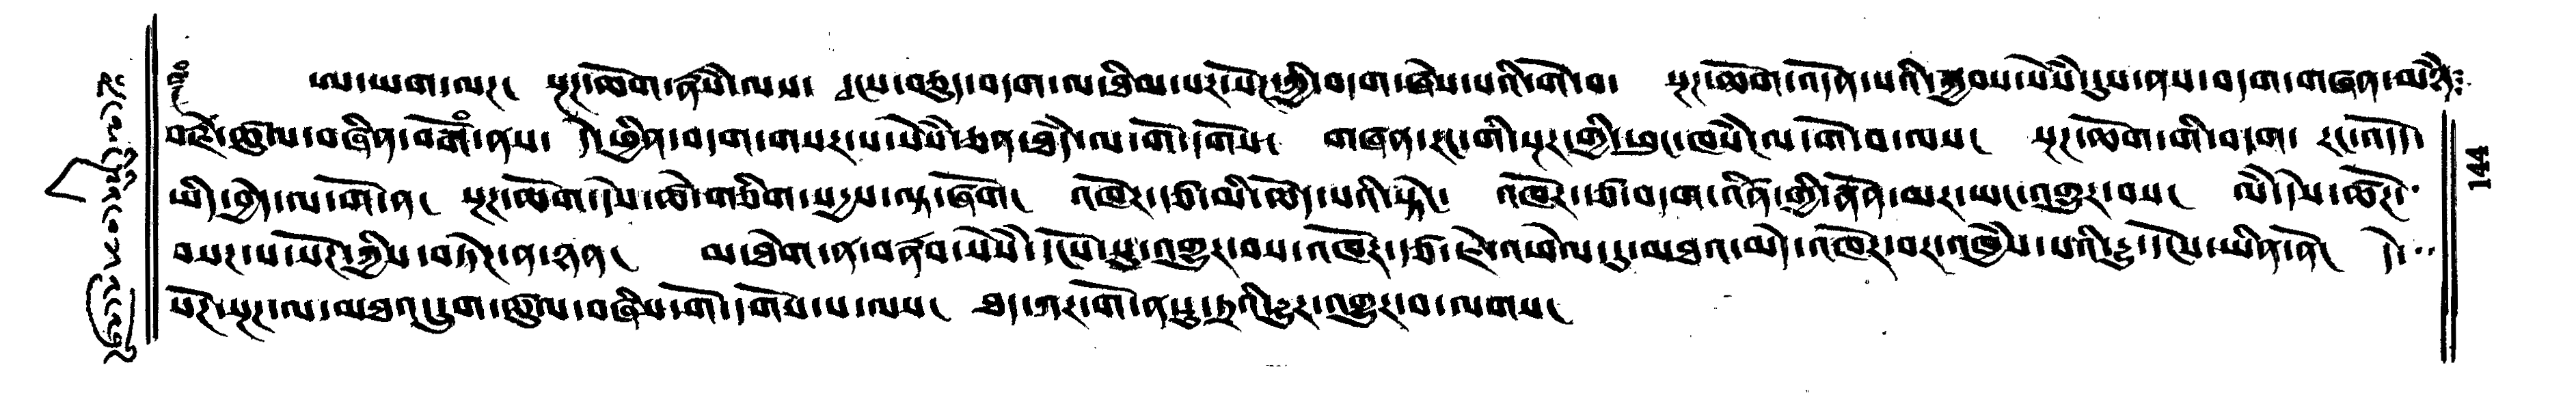༈ ཨ་ཡག་ལགས། སྔགས་ཆོག་རྣམས་ལས། དྭངས་བཅུད་བདག་ལ་ཐིམ་པར་སོགས་ཀྱི་བདག་ཞེས་པའི་གོ་བ། སྔགས་ཆོག་འདོན་པའི་སྐྱབས་སེམས་དུས་ནས་བདག་གཞན་མཉམ་
བརྗེ་ཚུལ་བཞིན་བསྒོམས་ནས། དེ་ཕྱིན་བདག་གསར་པ་སེམས་ཅན་ཐམས་ཅད་ལ་གོ་དགོས། གཞན་རང་གི་སྔར་གྱི་ཕུང་ཁམས་ལ་གོ་བ་ལས། སྔགས་ཆོག་གི་བདག་རང་འདོད་
ཡིད་བྱེད་ལ་གཽན། སྔགས་ཆོག་དེས་ཚེ་གཅིག་སངས་རྒྱས་ལྟ་ཞོག འཁོར་རྩ་མི་ཆོད་པའི་སྟེང་། འཁོར་རྩ་བདག་འཛིན་གྱི་སྣོན་མར་ཡང་འགྱུར་བས། ལམ་དེས་ཚོགས་
བསགས་པ་སོགས་ཀྱིས་བཏེགས་ན་ཉན། མ་ཐེགས་ན་བརྣབ་སེམས་དངོས་སུ་འགྱུར་བས་འཁོར་རྩ་ཇེ་འཕེལ་དུ་མཐའ་མེད་འཁོར་བར་འཁྱམས་པའི་རྒྱུ་དངོས་ཡིན་ནོ། དེ་
སོགས་སྔགས་ལ་མཐའ་དྲུག་ཚུལ་བཞིས་གོ་དགོས་པ་ལས། ཐད་དཀར་གོ་ན་རུ་ཏྲའི་རྒྱུར་འགྱུར་བ་ལགས།། དགེའོ།།